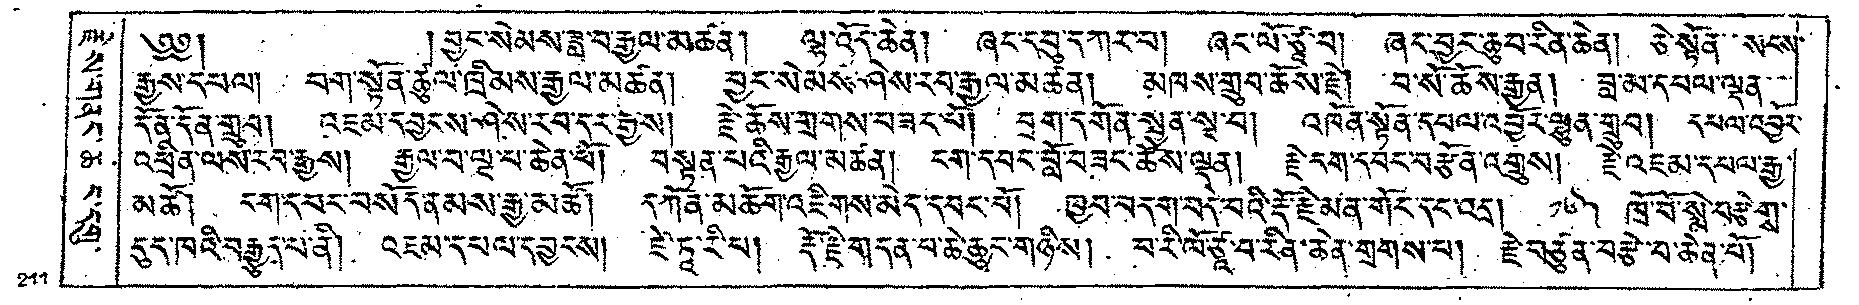༄༅། །བྱང་སེམས་ཟླ་བ་རྒྱལ་མཚན། ལྷ་འོད་ཆེན། ཞང་དབུ་དཀར་བ། ཞང་ལོ་ཙཱ་བ། ཞང་བྱང་ཆུབ་རིན་ཆེན། ཅེ་སྟོན་སངས་
རྒྱས་དཔལ། བག་སྟོན་ཚུལ་ཁྲིམས་རྒྱལ་མཚན། བྱང་སེམས་ཤེས་རབ་རྒྱལ་མཚན། མཁས་གྲུབ་ཆོས་རྗེ། བ་སོ་ཆོས་རྒྱན། བླ་མ་དཔལ་ལྡན་
དོན་དོན་གྲུབ། འཇམ་དབྱངས་ཤེས་རབ་དར་རྒྱས། རྗེ་ཆོས་གྲགས་བཟང་པོ། བྲག་དགོན་སྤྱན་སྔ་པ། འཁོན་སྟོན་དཔལ་འབྱོར་ལྷུན་གྲུབ། དཔལ་འབྱོར་
འཕྲིན་ལས་རབ་རྒྱས། རྒྱལ་བ་ལྔ་པ་ཆེན་པོ། བསྟན་པའི་རྒྱལ་མཚན། ངག་དབང་བློ་བཟང་ཆོས་ལྡན། རྗེ་ངག་དབང་བརྩོན་འགྲུས། རྗེ་འཇམ་དཔལ་རྒྱ་
མཚོ། ངག་དབང་བསོད་ནམས་རྒྱ་མཚོ། དཀོན་མཆོག་འཇིགས་མེད་དབང་པོ། ཁྱབ་བདག་བདེ་བའི་རྡོ་རྗེ་མན་གོང་དང་འདྲ། ༡༦}་ཁྲོ་བོ་སྨེ་བརྩེགས་
དུད་ཁའི་བརྒྱུད་པ་ནི། འཇམ་དཔལ་དབྱངས། ཛེ་ཏཱ་རི་པ། རྡོ་རྗེ་གདན་པ་ཆེ་ཆུང་གཉིས། བ་རི་ལོ་ཙཱ་བ་རིན་ཆེན་གྲགས་པ། རྗེ་བཙུན་བརྩེ་བ་ཆེན་པོ།